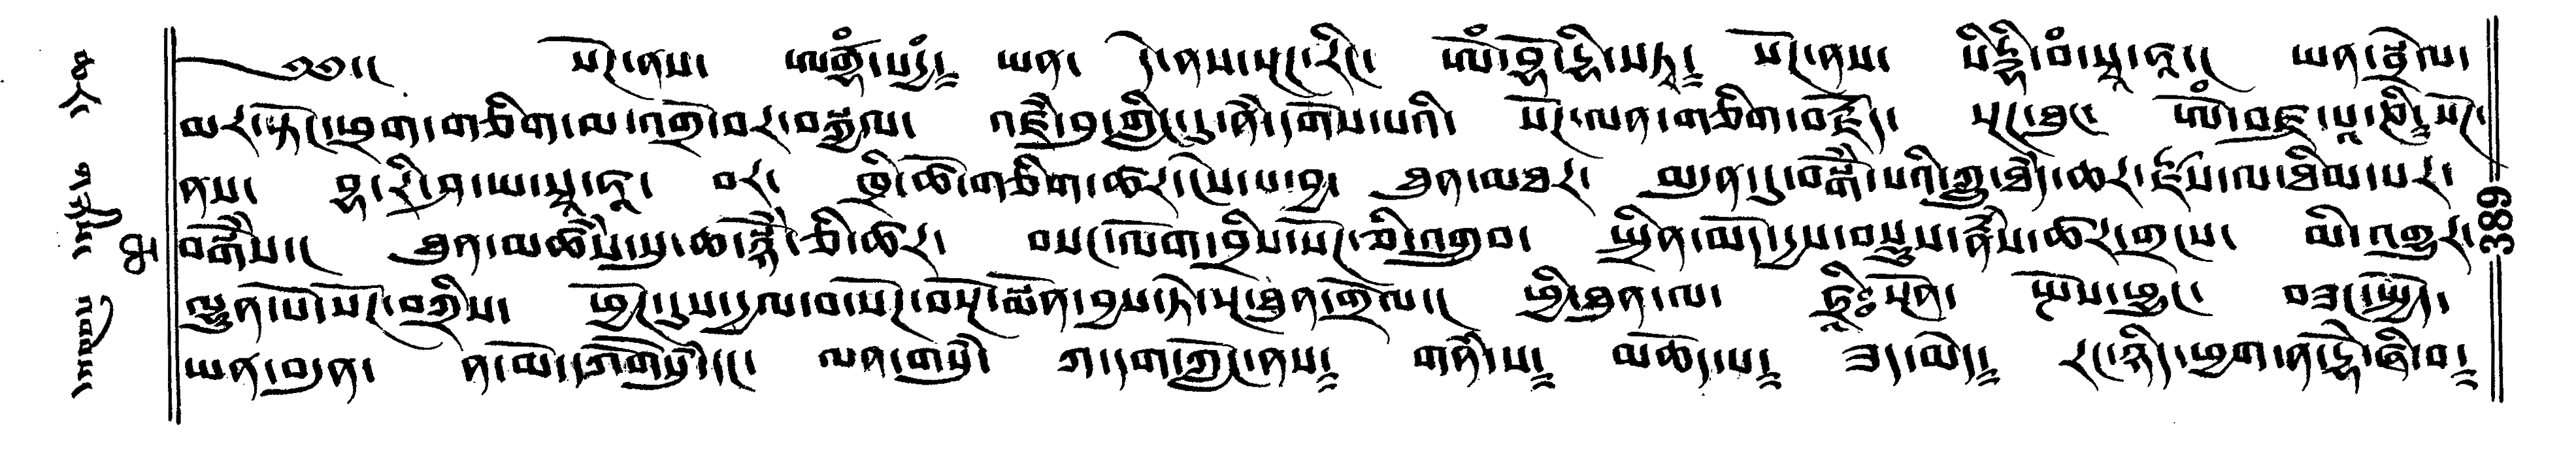སོགས་ནས།ཨརྒྷཾ་པདྱཾ༴ ཡན། དེ་ནས་སྔགས་རིང་། ཨོཾ་བྷོ་དྷི་སཏྭ༴ སོགས་ནས། སིདྡྷི་བྃ་སྭཱ་ཧཱ། ཡན་སྦྲེལ་
མ་སྟོང་ཕྲག་གཅིག་མ་འགྲོ་བར་བསྐྱལ། འཛམ་བུ་གླིང་དུ་ནམ་དགོས་པའི༴ སོགས་ལན་གཅིག་བརྗོད། སྔགས་ཐུང་། ཨོཾ་བཛྲ་པཱ་ཎི༴ སོགས་
ནས། བྷ་རི་ཤ་ཡ་སྭཱ་ཧཱཿ བར། ཁྲི་ཚོ་གཅིག་ཚར་ངེས་པ་བྱ། ཐུན་མཐར། མདུན་དུ་བསྒོམས་པའི་ཀླུ་ཐམས་ཅད་ཆར་རྫས་ལ་ཐིམ་པར་
བསྒོམ། ཐུན་མཚམས་སུ་ཆ་སྙོམ་ཅི་ཚར། བསང་ལོག་བྲིས་སོགས་ཅི་འགྲུབ། སྤྲིན་མདོ་རྒྱས་བསྡུས་རྣམས་ཚར་གྲངས། མི་འགྱུར་
ལྷུན་པོ༴ སོགས་བཀྲ་ཤིས། ཕྱོགས་དུས་རྒྱལ་བ་སོགས་བསྔོ་སྨོན་བྱས་ཏེ་སྔ་ཐུན་གྲོལ། ཕྱི་ཐུན་ལ། ཧྲཱིཿསྔོན༴ སྤོས་ཕྱུང་། བཟང་སྤྱོད་
ཡན་བདུན། ན་མོ༔དཀོན་མཆོག་གསུམ་དང༴ ལན་གསུམ། ཀ་དག་ཀློང་ནས༴ གནམ་ས༴ མཆོད་པ༴ ཟད་མེད༴ རང་ཉིད་ཕྱག་ན་རྡོ་རྗེ་ཞི་བ༴